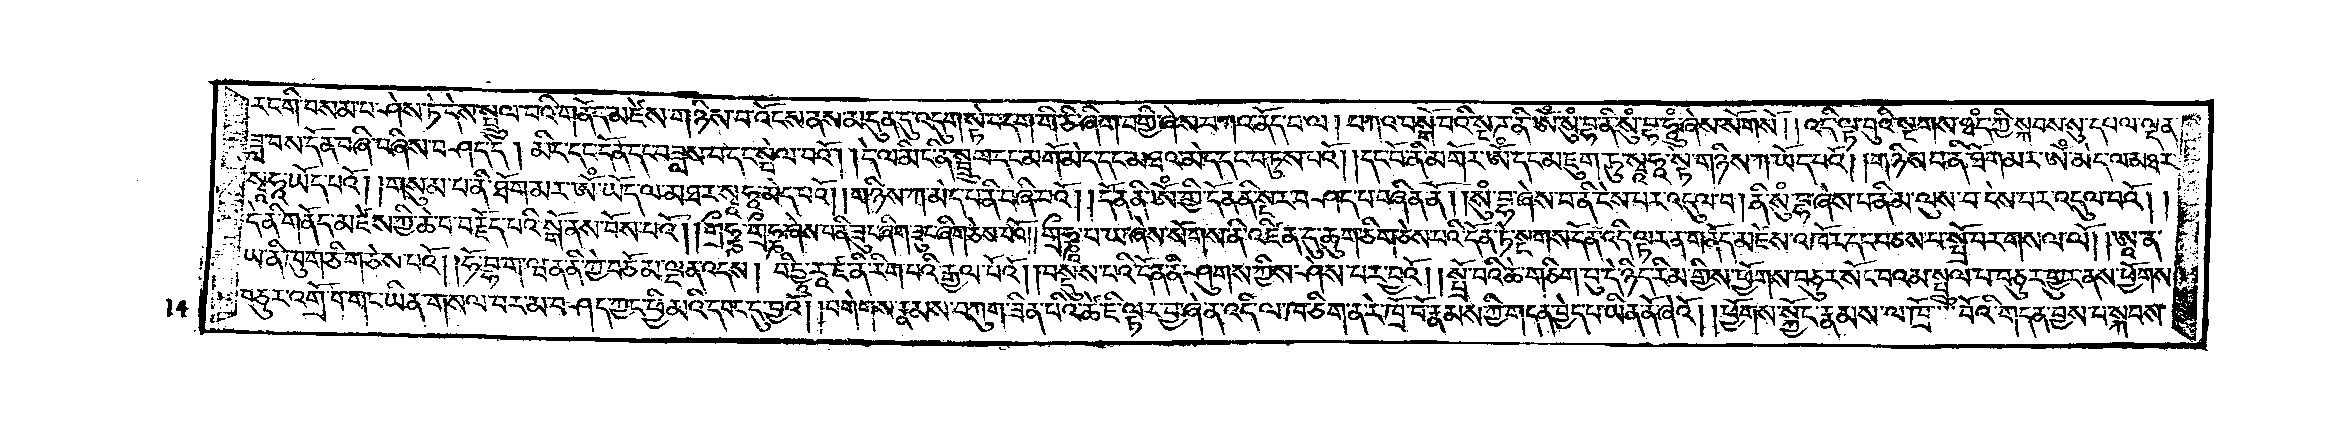རང་གི་བསམ་པ་ཤེས་ཏེ་དེས་སྤྲུལ་པའི་གནོད་མཛེས་གཉིས་པ་འོངས་ནས་མདུན་དུ་འདུག་སྟེ་བདག་གི་ཅི་ཞིག་བགྱི་ཞེས་བཀའ་ནོད་པ་ལ། བཀའ་བསྒོ་བའི་སྔགས་ནི་ཨོཾ་སུཾ་བྷ་ནི་སུཾ་བྷ་ཧཱུཾ་ཞེས་སོགས་སོ། །འདི་ལྟ་བུའི་སྔགས་ཐམས་ཅད་ཀྱི་སྐབས་སུ་དཔལ་ལྡན་
ཟླ་བས་དོན་བཞི་བཞིས་བཤད་དེ། མིང་དང་དོན་དང་བཟླས་པ་དང་སྤེལ་བའོ། །དེ་ལ་མིང་ནི་སྦྲུལ་དང་མགོ་མེད་དང་མཐའ་མེད་དང་བཏུས་པའོ། །དང་པོ་ནི་མགོར་ཨོཾ་དང་མཇུག་ཏུ་སྭཱཧཱ་སྟེ་གཉིས་ཀ་ཡོད་པའོ། །གཉིས་པ་ནི་ཐོག་མར་ཨོཾ་མེད་ལ་མཐར་
སྭཱཧཱ་ཡོད་པའོ། །གསུམ་པ་ནི་ཐོག་མར་ཨོཾ་དེ་?་ལ་མཐར་སྭཱཧཱ་མེད་པའོ། །གཉིས་ཀ་མེད་པ་ནི་བཞི་པའོ། །དོན་ནི་ཨོཾ་གྱི་དོན་ནི་སྔར་བཤད་པ་བཞིན་ནོ། །སུཾ་བྷ་ཞེས་པ་ནི་ངེས་པར་འདུལ་བ། ནི་སུཾ་བྷ་ཞེས་པ་ནི་མ་ལུས་པ་ངེས་པར་འདུལ་བའོ། །
དེ་ནི་གནོད་མཛེས་ཀྱི་ཆེ་བ་བརྗོད་པའི་སྒོ་ནས་བོས་པའོ། །གྲྀཧྞ་གྲྀཧྞ་ཞེས་པ་ནི་ཟུང་ཞིག་ཟུང་ཞིག་ཅེས་པའོ། །གྲྀཧྞཱ་པ་ཡ་ཞེས་སོགས་ནི་འཛིན་དུ་ཆུག་ཅིག་ཅེས་པའི་དོན་ཏེ་སྔགས་དོན་འདི་ལྟར་ན་གནོད་མཛེས་འཁོར་དང་བཅས་པ་སྤྲོ་བར་གསལ་ལོ། །ཨཱ་ན་
ཡ་ནི་ཁུག་ཅིག་ཅེས་པའོ། །ཧོ་བྷ་ག་ཝཎ་ནི་ཀྱེ་བཅོམ་ལྡན་འདས། བིདྱཱ་རཱ་ཛ་ནི་རིག་པའི་རྒྱལ་པོའོ། །བསྡུས་པའི་དོན་ནི་ཤུགས་ཀྱིས་ཤེས་པར་བྱའོ། །སྤྲོ་བའི་ཆེ་གཅིག་པུ་དེ་ཉིད་རིམ་གྱིས་ཕྱོགས་བཅུར་སོང་བའམ་སྤྲུལ་པ་བཅུར་གྱུར་ནས་ཕྱོགས་
བཅུར་འགྲོ་བ་གང་ཡིན་གསལ་བར་མ་བཤད་ཀྱང་ཕྱི་མའི་དབང་དུ་བྱའོ། །བགེགས་རྣམས་བཀུག་ཟིན་པའི་ཚེ་ཇི་ལྟར་བྱ་ཞེ་ན་འདི་ལ་ཁ་ཅིག་ན་རེ་ཁྲོ་བོ་རྣམས་ཀྱི་གདན་བྱེད་པ་ཡིན་ནོ་ཞེའོ། །ཕྱོགས་སྐྱོང་རྣམས་ལ་ཁྲོ་བོའི་གདན་བྱས་པ་སྐབས་